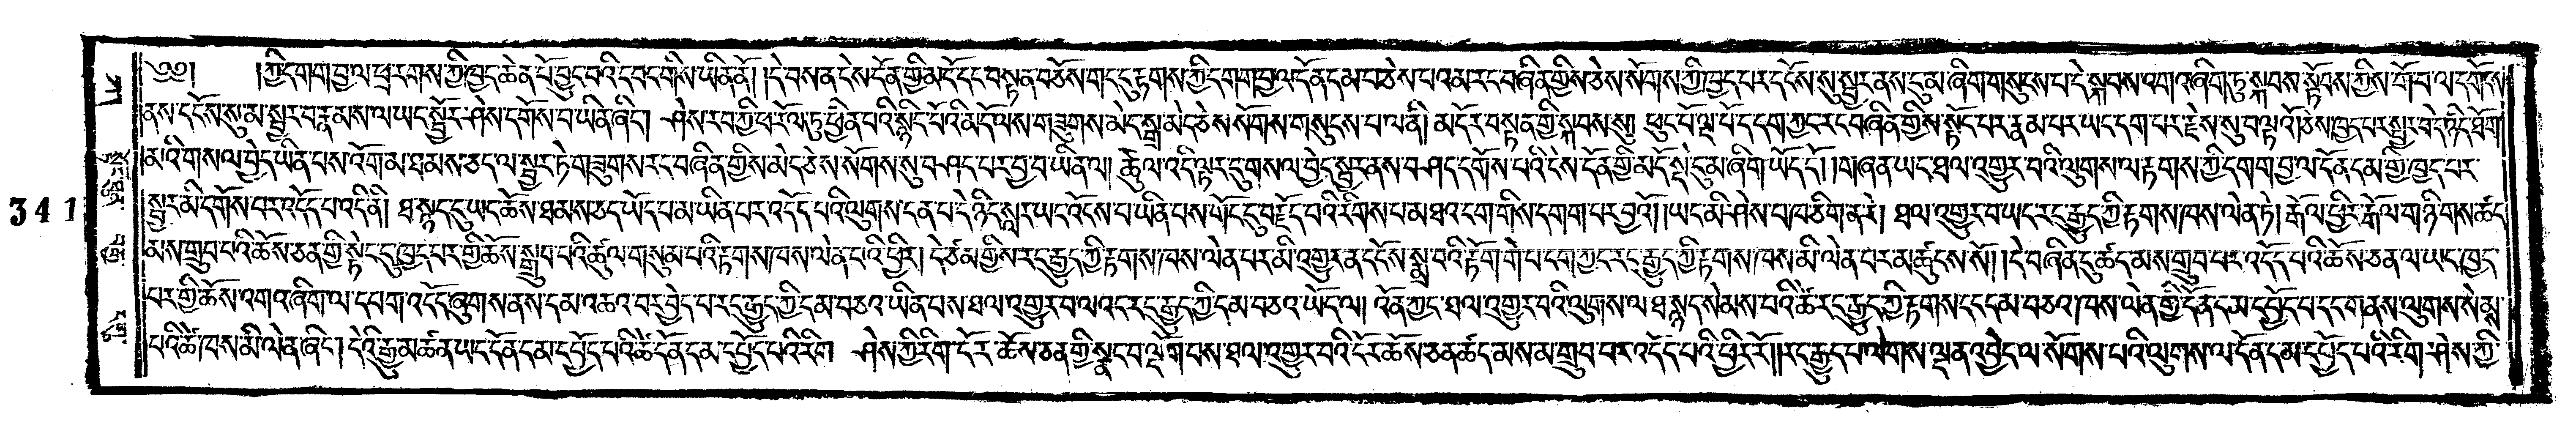༄༅། །ཀྱི་དགག་བྱ་ལ་ཕྲ་རགས་ཀྱི་ཁྱད་ཆེན་པོ་བྱུང་བའི་དབང་གིས་ཡིན་ནོ། །དེ་བས་ན་ངེས་དོན་གྱི་མདོ་དང་བསྟན་བཅོས་གང་དུ་རྟགས་ཀྱི་དགག་བྱ་ལ་དོན་དམ་པ་ཅེས་པའམ་རང་བཞིན་གྱིས་ཅེས་སོགས་ཀྱི་ཁྱད་པར་དངོས་སུ་སྦྱར་ནས་དུ་མ་ཞིག་གསུངས་པ་དེ་སྐབས་འགའ་ཞིག་ཏུ་སྐབས་སྟོབས་ཀྱིས་གོ་བ་ལ་དགོངས་
ནས་དངོས་སུ་མ་སྦྱར་བ་རྣམས་ལ་ཡང་སྦྱོར་ཤེས་དགོས་བ་ཡིན་ཞིང་། ཤེས་རབ་ཀྱི་ཕ་རོལ་ཏུ་ཕྱིན་པའི་སྙིང་པོའི་མདོ་ལས་གཟུགས་མེད་སྒྲ་མེད་ཅེས་སོགས་གསུངས་པ་ལ་ནི། མདོར་བསྟན་གྱི་སྐབས་སུ། ཕུང་པོ་ལྔ་པོ་ད་དག་ཀྱང་རང་བཞིན་གྱིས་སྟོང་པར་རྣམ་པར་ཡང་དག་པར་རྗེས་སུ་བལྟའོ་།ཅེས་ཁྱད་པར་སྦྱར་བ་དེ་ཉིད་ཐོག་
མའི་གསལ་བྱེད་ཡིན་པས་འོག་མ་ཐམས་ཅད་ལ་སྦྱར་ཏེ་གཟུགས་རང་བཞིན་གྱིས་མེད་ཅེས་སོགས་སུ་བཤད་པར་བྱ་བ་ཡིན་ལ། ཚུལ་འདི་ལྟར་དུ་གསལ་བྱེད་སྦྱར་ནས་བཤད་དགོས་པའི་ངེས་དོན་གྱི་མདོ་སྡེ་དུ་མ་ཞིག་ཡོད་དོ། །གཞན་ཡང་ཐལ་འགྱུར་བའི་ལུགས་ལ་རྟགས་ཀྱི་དགག་བྱ་ལ་དོན་དམ་གྱི་ཁྱད་པར་
སྦྱར་མི་དགོས་པར་འདོད་པ་འདི་ནི། ཐ་སྙད་དུ་ཡང་ཆོས་ཐམས་ཅད་ཡོད་པ་མ་ཡིན་པར་འདོད་པའི་ལུགས་ནན་པ་དེ་ཉིད་སླར་ཡང་འོངས་པ་ཡིན་པས་གོང་དུ་བརྗོད་པའི་རིགས་པ་མཐའ་དག་གིས་དགག་པར་བྱའོ། །ཡང་མི་ཤེས་པ་ཁ་ཅིག་ན་རེ། ཐལ་འགྱུར་བ་ཡང་རང་རྒྱུད་ཀྱི་རྟགས་ཁས་ལེན་ཏེ། རྒོལ་ཕྱིར་རྒོལ་གཉི་གས་ཚད་
མས་གྲུབ་པའི་ཆོས་ཅན་གྱི་སྟེང་དུ་ཁྱད་པར་གྱི་ཆོས་སྒྲུབ་པའི་ཚུལ་གསུམ་པའི་རྟགས་ཁས་ལེན་པའི་ཕྱིར། དེ་ཙམ་གྱིས་རང་རྒྱུད་ཀྱི་རྟགས་ཁས་ལེན་པར་མི་འགྱུར་ན་དངོས་སྨྲ་བའི་རྟོག་གེ་པ་དག་ཀྱང་རང་རྒྱུད་ཀྱི་རྟགས་ཁས་མི་ལེན་པར་མཚུངས་སོ། །དེ་བཞིན་དུ་ཚད་མས་གྲུབ་པར་འདོད་པའི་ཆོས་ཅན་ལ་ཡང་ཁྱད་
པར་གྱི་ཆོས་འགའ་ཞིག་ལ་དཔག་འདོད་ཞུགས་ནས་དམ་འཆའ་བར་བྱེད་པ་རང་རྒྱུད་ཀྱི་དམ་བཅའ་ཡིན་བས་ཐལ་འགྱུར་བ་ལའང་རང་རྒྱུད་ཀྱི་དམ་བཅའ་ཡོད་ལ། འོན་ཀྱང་ཐལ་འགྱུར་བའི་ལུགས་ལ་ཐ་སྙད་སེམས་པའི་ཚེ་རང་རྒྱུད་ཀྱི་རྟགས་དང་དམ་བཅའ་ཁས་ལེན་གྱི་དོན་དམ་དཔྱོད་པ་དང་གནས་ལུགས་སེམས་
པའི་ཚེ་ཁས་མི་ལེན་ཞིང་། དེའི་རྒྱུ་མཚན་ཡང་དོན་དམ་དཔྱོད་པའི་ཚེ་དོན་དམ་དཔྱོད་པའི་རིག་ཤེས་ཀྱི་རིག་ངོར་ཆོས་ཅན་གྱི་སྣང་བ་ལྡོག་པས་ཐལ་འགྱུར་བའི་ངོར་ཆོས་ཅན་ཚད་མས་མ་གྲུབ་པར་འདོད་པའི་ཕྱིར་རོ། །རང་རྒྱུད་པ་ལེགས་ལྡན་འབྱེད་ལ་སོགས་པའི་ལུགས་ལ་དོན་དམ་དཔྱོད་པའི་རིག་ཤེས་ཀྱི་